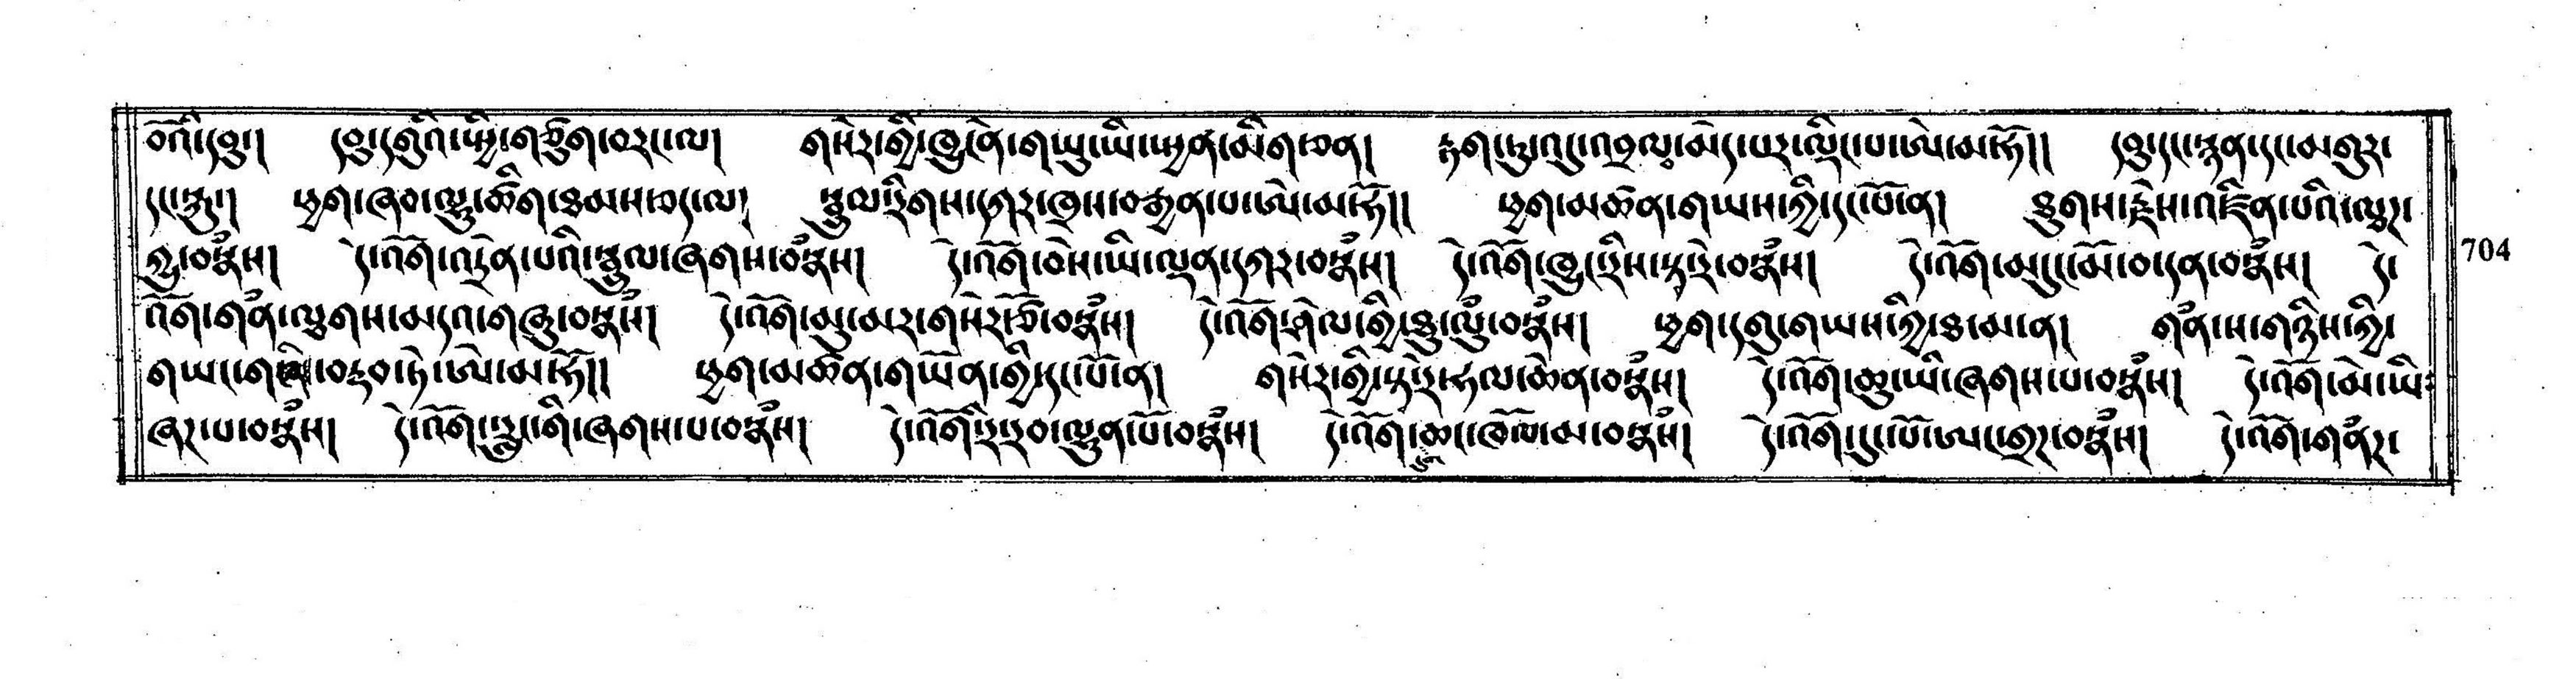བོའི་དབུ། དབུ་དགུའི་སྤྱི་གཙུག་བར་སྣང་ལ། གསེར་གྱི་ཁྱུང་ཆེན་གཡུ་ཡི་སྤྱན་མིག་ཅན། རྟག་ཏུ་འདུ་འབྲལ་མེད་པར་ལྡིང་པ་ཨེ་མ་ཧོ།། དབུ་དང་སྙན་དང་མགུར་
དང་སྐུ། ཕྱག་ཞབས་ལྷུ་ཚིག་ཐམས་ཅད་ལ། སྦྲུལ་རིགས་དཀར་ཁྲས་བརྒྱན་པ་ཨེ་མ་ཧོ།། ཕྱག་མཚན་གཡས་ཀྱི་དང་པོ་ན། ཐུགས་རྗེས་འཛིན་པའི་ལྕགས་
ཀྱུ་བསྣམས། དེ་འོག་འདྲེན་པའི་སྦྲུལ་ཞགས་བསྣམས། དེ་འོག་བསེ་ཡི་ལྡན་དཀར་བསྣམས། དེ་འོག་ཁྱུང་རིས་སྟ་རེ་བསྣམས། དེ་འོག་མདུང་མོ་བ་དན་བསྣམས། དེ་
འོག་གནམ་ལྕགས་མདའ་གཞུ་བསྣམས། དེ་འོག་མུ་མར་གསེར་ཙོ་བསྣམས། དེ་འོག་ཤེལ་གྱི་ཐུ་ལུམ་བསྣམས། ཕྱག་དགུ་གཡས་ཀྱི་ཐ་མ་ན། གནམ་ས་གཉིས་ཀྱི་
གཡང་གཞི་བརྡབ་ཏེ་ཨེ་མ་ཧོ།། ཕྱག་མཚན་གཡོན་གྱི་དང་པོ་ན། གསེར་གྱི་སྟ་རེ་ཧལ་ཆེན་བསྣམས། དེ་འོག་ཆུ་ཡི་ཞགས་པ་བསྣམས། དེ་འོག་མེ་ཡི་
ཞགས་པ་བསྣམས། དེ་འོག་རླུང་གི་ཞགས་པ་བསྣམས། དེ་འོག་རི་རབ་ལྷུན་པོ་བསྣམས། དེ་འོག་དུག་ཆང་ཁོལ་མ་བསྣམས། དེ་འོག་དུང་པོ་ཨང་གྲགས་བསྣམས། དེ་འོག་གནམ་ལྕགས་